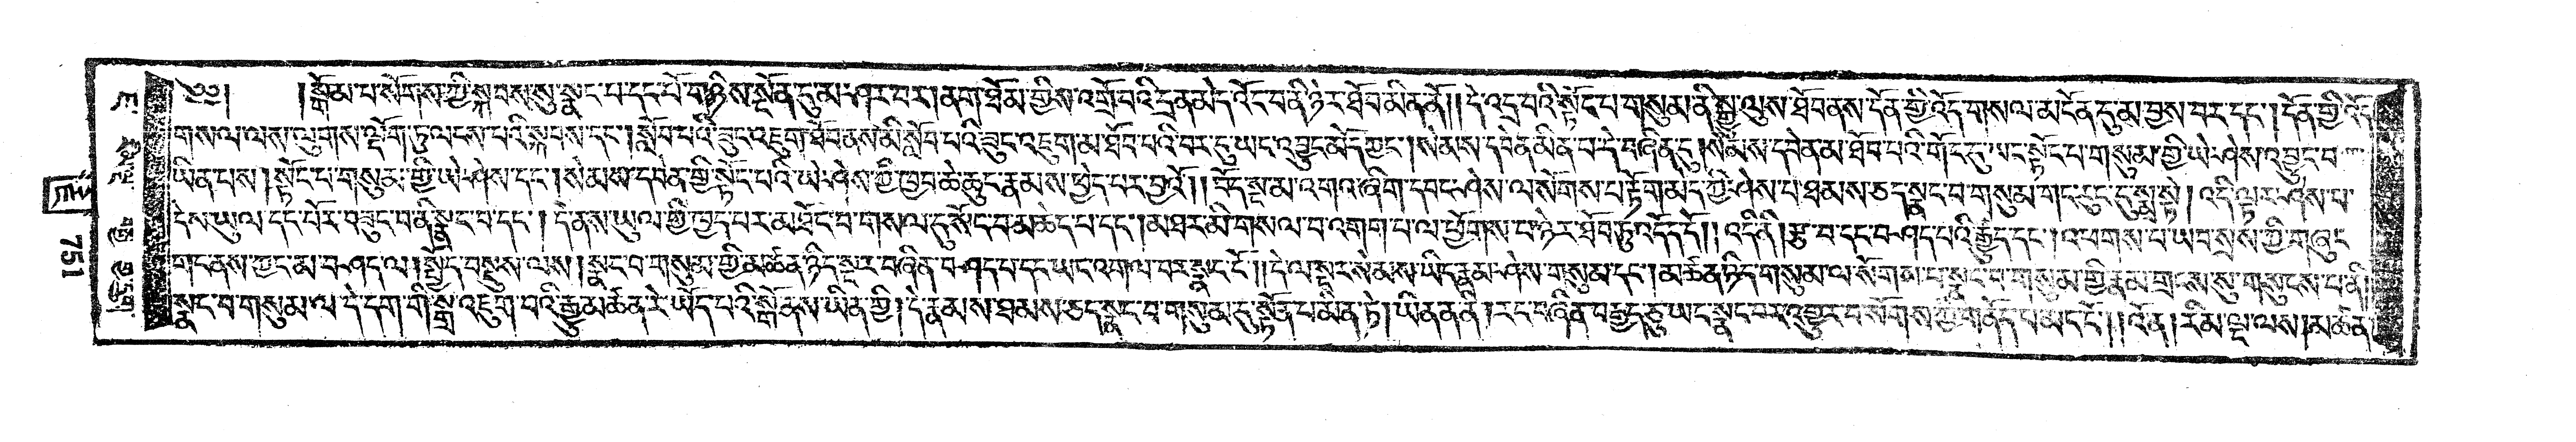༄༅། །སྒོམ་པ་སོགས་ཀྱི་སྐབས་སུ་སྣང་བ་དང་པོ་གཉིས་སྔོན་དུ་མ་ཤར་བར། ནག་ཐོམ་གྱིས་འགྲོ་བའི་དྲན་མེད་འོང་བ་ནི་ཉེར་ཐོབ་མིན་ནོ། །དེ་འདྲ་བའི་སྟོང་པ་གསུམ་ནི་སྒྱུ་ལུས་ཐོབ་ནས་དོན་གྱི་འོད་གསལ་མངོན་དུ་མ་བྱས་བར་དང་། དོན་གྱི་འོད་
གསལ་ལས་ལུགས་ལྡོག་ཏུ་ལངས་པའི་སྐབས་དང་། སློབ་པའི་ཟུང་འཇུག་ཐོབ་ནས་མི་སློབ་པའི་ཟུང་འཇུག་མ་ཐོབ་པའི་བར་དུ་ཡང་འབྱུང་མོད་ཀྱང་། སེམས་དབེན་མིན་པ་དེ་བཞིན་དུ། སེམས་དབེན་མ་ཐོབ་པའི་གོང་དུ་ཡང་སྟོང་པ་གསུམ་གྱི་ཡེ་ཤེས་འབྱུང་བ་
ཡིན་པས། སྟོང་པ་གསུམ་གྱི་ཡེ་ཤེས་དང་། སེམས་དབེན་གྱི་སྟོང་པའི་ཡེ་ཤེས་ཀྱི་ཁྱབ་ཆེ་ཆུང་རྣམས་ཕྱེད་པར་བྱའོ། །བོད་སྔ་མ་འགའ་ཞིག་དབང་ཤེས་ལ་སོགས་པ་རྟོག་མེད་ཀྱི་ཤེས་པ་ཐམས་ཅད་སྣང་བ་གསུམ་གང་རུང་དུ་སྨྲ་སྟེ། འདི་ལྟར་ཤེས་པ་
དེས་ཡུལ་དང་པོར་བཟུང་བ་ནི་སྣང་བ་དང་། དེ་ནས་ཡུལ་གྱི་ཁྱད་པར་མཐོང་བ་གསལ་དུ་སོང་བ་མ་ཆེད་པ་དང་། མཐར་མི་གསལ་བ་འགག་པ་ལ་ཕྱོགས་པ་ཉེར་ཐོབ་ཏུ་འདོད་དོ། །འདི་ནི། རྩ་བ་དང་བཤད་པའི་རྒྱུད་དང་། འཕགས་པ་ཡབ་སྲས་ཀྱི་གཞུང་
གང་ནས་ཀྱང་མ་བཤད་ལ། སྤྱོད་བསྡུས་ལས། སྣང་བ་གསུམ་གྱི་མཚན་ཉིད་སྔར་བཞིན་བཤད་པ་དང་ཡང་འགལ་བར་སྣང་ངོ། །དེ་ལ་སྔར་སེམས་ཡིད་རྣམ་ཤེས་གསུམ་དང་། མཚན་ཉིད་གསུམ་ལ་སོགས་པ་སྣང་བ་གསུམ་གྱི་རྣམ་གྲངས་སུ་གསུངས་པ་ནི།
སྣང་བ་གསུམ་ལ་དེ་དག་གི་སྒྲ་འཇུག་པའི་རྒྱུ་མཚན་རེ་ཡོད་པའི་སྒོ་ནས་ཡིན་གྱི། དེ་རྣམས་ཐམས་ཅད་སྣང་བ་གསུམ་དུ་སྟོན་པ་མིན་ཏེ། ཡིན་ན་ནི། རང་བཞིན་བརྒྱད་ཅུ་ཡང་སྣང་བར་འགྱུར་བ་སོགས་ཀྱི་གནོད་པ་མང་ངོ། །འོ་ན། རིམ་ལྔ་ལས། མཚན་